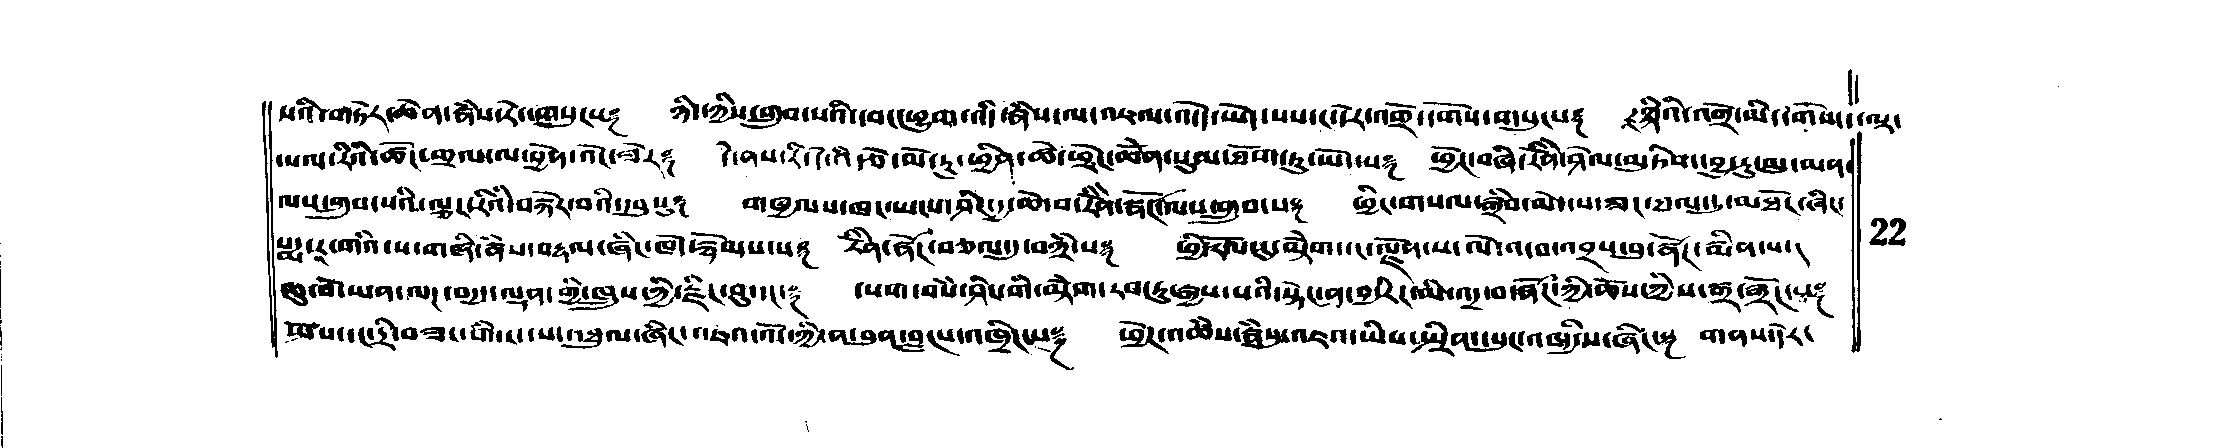པའི་གཏེར་ཆེན་རྣམས་རེད་གསུངས། ཉིད་ཀྱིས་གྲུབ་པའི་དབང་ཕྱུག་འདི་རྣམས་ལ་མཇལ་འདོད་ཡོད་པས་ང་དེར་འགྲོ་དགོས་གསུངས། ཌཱཀྐིའི་འགྲོ་མི་དགོས་ད་ལྟ་
དཔལ་རིའི་ཚོགས་གྲལ་ལ་བྱོན་འོང་ཟེར། དེ་ནས་རི་དེའི་རྩེ་མོ་རུ་ཕྱིན་ཚེ་ཕོ་བྲང་ཆེན་པོ་སུམ་ཐོག་ཏུ་ཡོད་པ།ཕྱོགས་བཞི་རིན་པོ་ཆེ་ཤེལ་མུ་ཏིག་བྱུ་རུ་མུ་མན་
ལས་གྲུབ་པའི་ལྕགས་རིའི་བསྐོར་བའི་དབུས་སུ། གཞལ་ཡས་ཁང་ཡངས་ཤིགས་རྒྱ་ཆེ་བ་རིན་པོ་ཆེ་སྣ་ཚོགས་ལས་གྲུབ་པ། ཕྱི་ནང་གསལ་སྒྲིབ་མེད་པ་ཟང་ཐལ་དུ་མཐོང་ཞིང་
པདྨ་རཱ་གའི་ས་གཞི་རྣམས་བརྡལ་ཞིང་ཁོད་སྙོམས་པ། རིན་པོ་ཆེ་སྣ་ཚོགས་བཅལ་དུ་བཀྲམ་པ། ཕྱི་རོལ་དུ་མེ་ཏོག་དང་ལྗོན་པ་ལོ་འདབ་འབྲས་བུ་སྣ་ཚོགས་སྨིན་པ། 
ཆུ་བོ་ཡན་ལགས་བརྒྱད་ལྡན་གྱི་ཁྲུས་ཀྱི་རྫིང་བུ་དང་། དཔག་བསམ་ཤིང་གི་མེ་ཏོག་རབ་ཏུ་རྒྱས་པའི་སྟེང་ན་བྱ་རིགས་མི་འདྲ་བ་སྣ་ཚོགས་ཀྱི་ཆོས་ཀྱིས་སྒྲ་སྒྲོགས་པ། 
སྤོས་དང་དྲི་བཟང་གི་ངད་པ་འཐུལ་ཞིང་འཇའ་འོད་ཀྱི་ན་བུན་རླངས་འཁྲིགས་པ། ཕྱོགས་མཚམས་རྣམས་སུ་འཇའ་ཡིས་སྤྲིན་དཔུང་འཁྱིལ་ཞིང་། གནས་དེར་